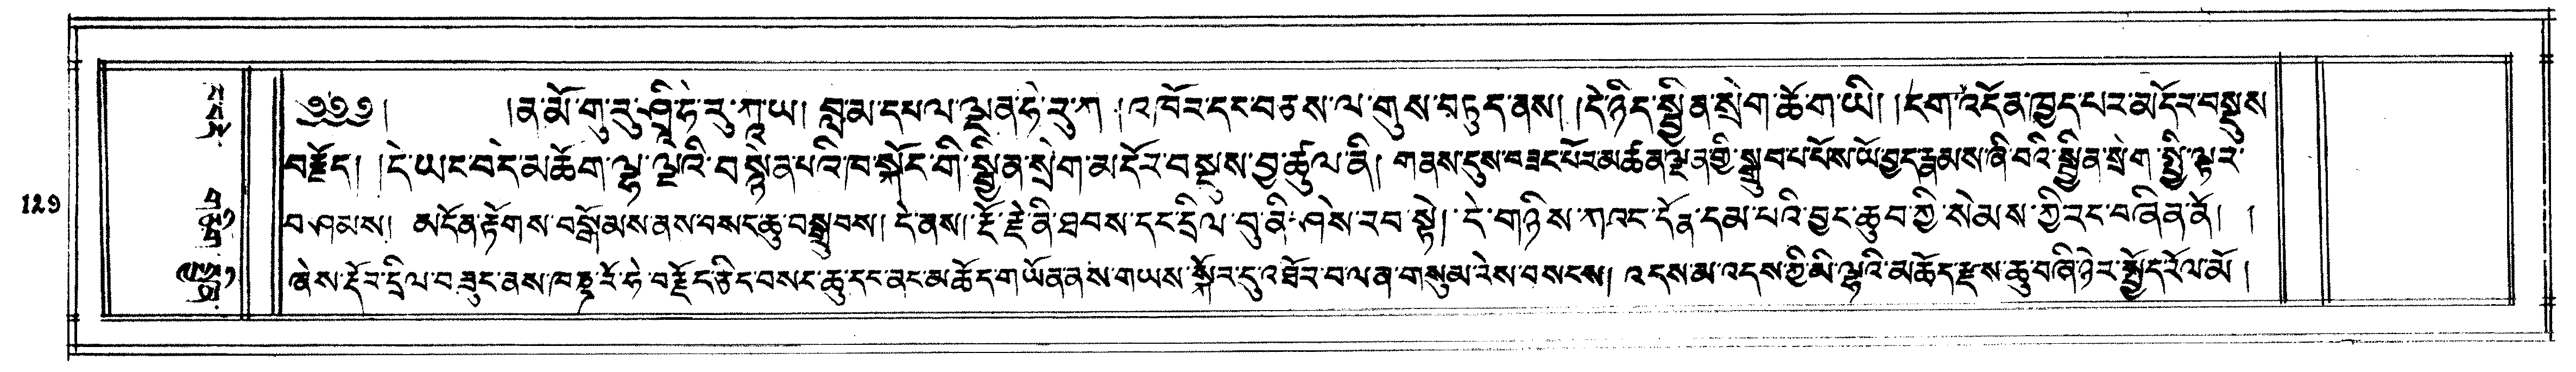༄༅༅། །ན་མོ་གུ་རུ་ཤྲཱི་ཧེ་རུ་ཀཱ་ཡ། བླ་མ་དཔལ་ལྡན་ཧེ་རུ་ཀ །འཁོར་དང་བཅས་ལ་གུས་བཏུད་ནས། །དེ་ཉིད་སྦྱིན་སྲེག་ཆོ་ག་ཡི། །ངག་འདོན་ཁྱད་པར་མདོར་བསྡུས་
བརྗོད། །དེ་ཡང་བདེ་མཆོག་ལྷ་ལྔའི་བསྙེན་པའི་ཁ་སྐོང་གི་སྦྱིན་སྲེག་མདོར་བསྡུས་བྱ་ཚུལ་ནི། གནས་དུས་བཟང་པོར་མཚན་ལྡན་གྱི་སྒྲུབ་པ་པོས་ཡོ་བྱད་རྣམས་ཞི་བའི་སྦྱིན་སྲེག་སྤྱི་ལྟར་
བཤམས། མངོན་རྟོགས་བསྒོམས་ནས་བསང་ཆུ་བསྒྲུབས། དེ་ནས། རྡོ་རྗེ་ནི་ཐབས་དང་དྲིལ་བུ་ནི་ཤེས་རབ་སྟེ། དེ་གཉིས་ཀའང་དོན་དམ་པའི་བྱང་ཆུབ་ཀྱི་སེམས་ཀྱི་རང་བཞིན་ནོ། །
ཞེས་རྡོར་དྲིལ་བཟུང་ནས་ཁཎྜ་རོ་ཧེ་བརྗོད་ཅིང་བསང་ཆུ་དང་ནང་མཆོད་གཡོན་ནས་གཡས་སྐོར་དུ་འཐོར་བ་ལན་གསུམ་རེས་བསངས། འདས་མ་འདས་ཀྱི་མི་ལྷའི་མཆོད་རྫས་ཆུ་བཞི་ཉེར་སྤྱོད་རོལ་མོ།